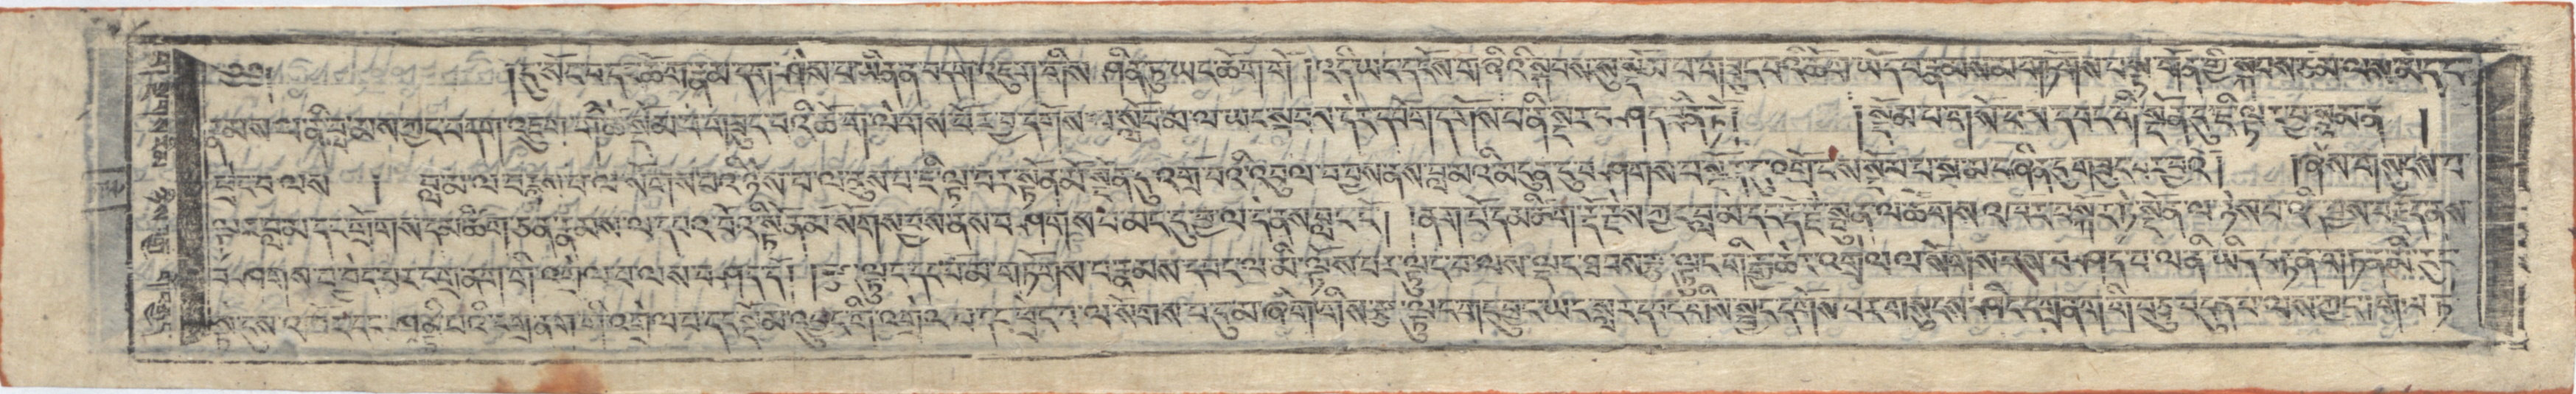༄༅། །དུ་སོང་བ་དང་ཆོ་ག་རྣམ་དག་ཤེས་པ་ཡིན་ན་བདག་འཇུག་གིས་ཤིན་ཏུ་ཡང་ཆོ་ག་གོ །འདི་ཡང་དངོས་གཞིའི་སྐབས་སུ་སྡོམ་པ་གཟུང་བའི་ཆོ་ག་ཡོད་པ་རྣམས་མ་གཏོགས་པ་སྟེ་གོན་གྱི་སྐབས་ཙམ་ལས་མེད་པ་
རྣམས་ལ་ནི་བླ་མས་ཀྱང་བདག་འཇུག་གི་ཚེ་སྡོམ་པ་གཟུང་བའི་ཆོ་ག་ལེགས་པོར་བྱ་དགོས་ལ་སློབ་མ་ལ་ཡང་སྐབས་དེར་དཔོག་དགོས་པ་ནི་སྔར་བཤད་ཟིན་ཏོ། །སྡོམ་པ་གསོ་བས་དབང་གི་སྔོན་དུ་ཇི་ལྟར་བྱ་སྙམ་ན།
ཕྲེང་བ་ལས། བླ་མ་ལ་བརྙས་པ་ལ་སོགས་པའི་ཉེས་པ་ལ་ནུས་པ་ཇི་ལྟ་བར་སྟོན་མོ་སྔོན་དུ་འགྲོ་བའི་འབུལ་བ་བྱས་ནས་བླ་མའི་མདུན་དུ་བཤགས་པ་སྔོན་དུ་འགྲོ་བས་སྡོམ་པ་སྔ་མ་བཞིན་དུ་གཟུང་བར་བྱའོ། །ཞེས་གསུངས་པ་
ལྟར་བླ་མ་དང་གྲོགས་དམ་ཚིག་ཅན་རྣམས་ལ་དཔའ་བོའི་སྟོན་མོ་སོགས་བྱས་ནས་བཤགས་པ་མང་དུ་བྱ་ལ་དེ་ནས་བླང་ངོ། །ནག་པོ་དམ་ཚིག་རྡོ་རྗེས་ཀྱང་བླ་མ་དང་རྡོ་རྗེ་སྤུན་ལ་ཚོགས་འཁོར་བསྐོར་ཏེ་སྔོན་ལ་ཉེས་པ་འདི་བྱས་བརྗོད་ནས་
བཤགས་པ་བྱེད་པར་དགྲ་ནག་གི་འགྲེལ་པ་ལས་བཤད་དོ། །རྩ་ལྟུང་དང་པོ་མ་གཏོགས་པ་རྣམས་དབང་ལ་མི་ལྟོས་པར་ལྟུང་བ་ལས་ལྡང་ཐབས་རྩ་ལྟུང་གི་རྒྱ་ཆེར་འགྲེལ་ལ་སོགས་པས་བཤད་པ་ལ་ནི་ཡིད་བརྟན་གཏན་མི་རུང་
སྟེ་དུས་འཁོར་དང་ཤཱནྟི་པའི་དགྲ་ནག་གི་འགྲེལ་པ་དང་སྡོམ་འབྱུང་གི་འགྲེལ་པ་དང་ཕྲེང་བ་ལ་སོགས་པ་དུ་མ་ཞིག་གིས་རྩ་ལྟུང་གང་བྱུང་ཡང་སླར་དབང་གིས་སྦྱང་དགོས་པར་གསུངས་ཤིང་དགྲ་ནག་གི་བཅུ་བདུན་པ་ལས་ཀྱང་། གལ་ཏེ་